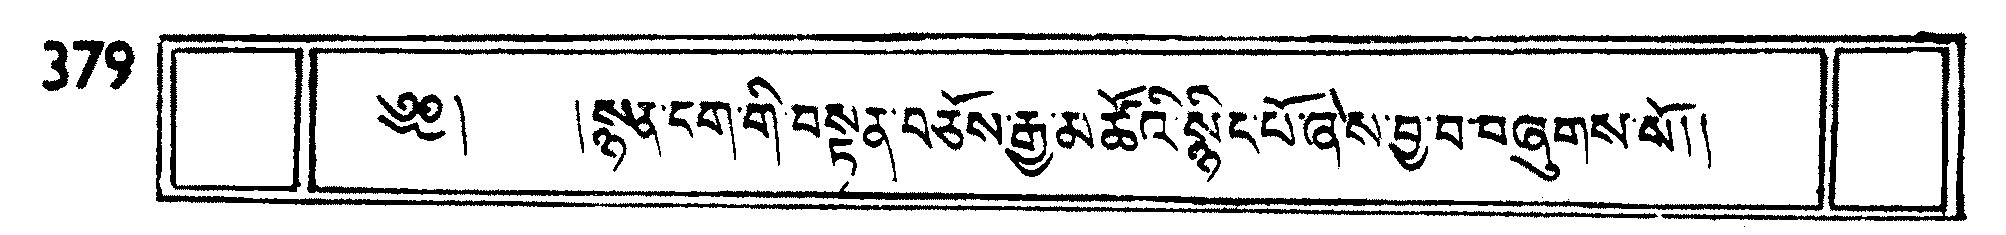༄༅། །སྙན་ངག་གི་བསྟན་བཅོས་རྒྱ་མཚོའི་སྙིང་པོ་ཞེས་བྱ་བ་བཞུགས་སོ།།